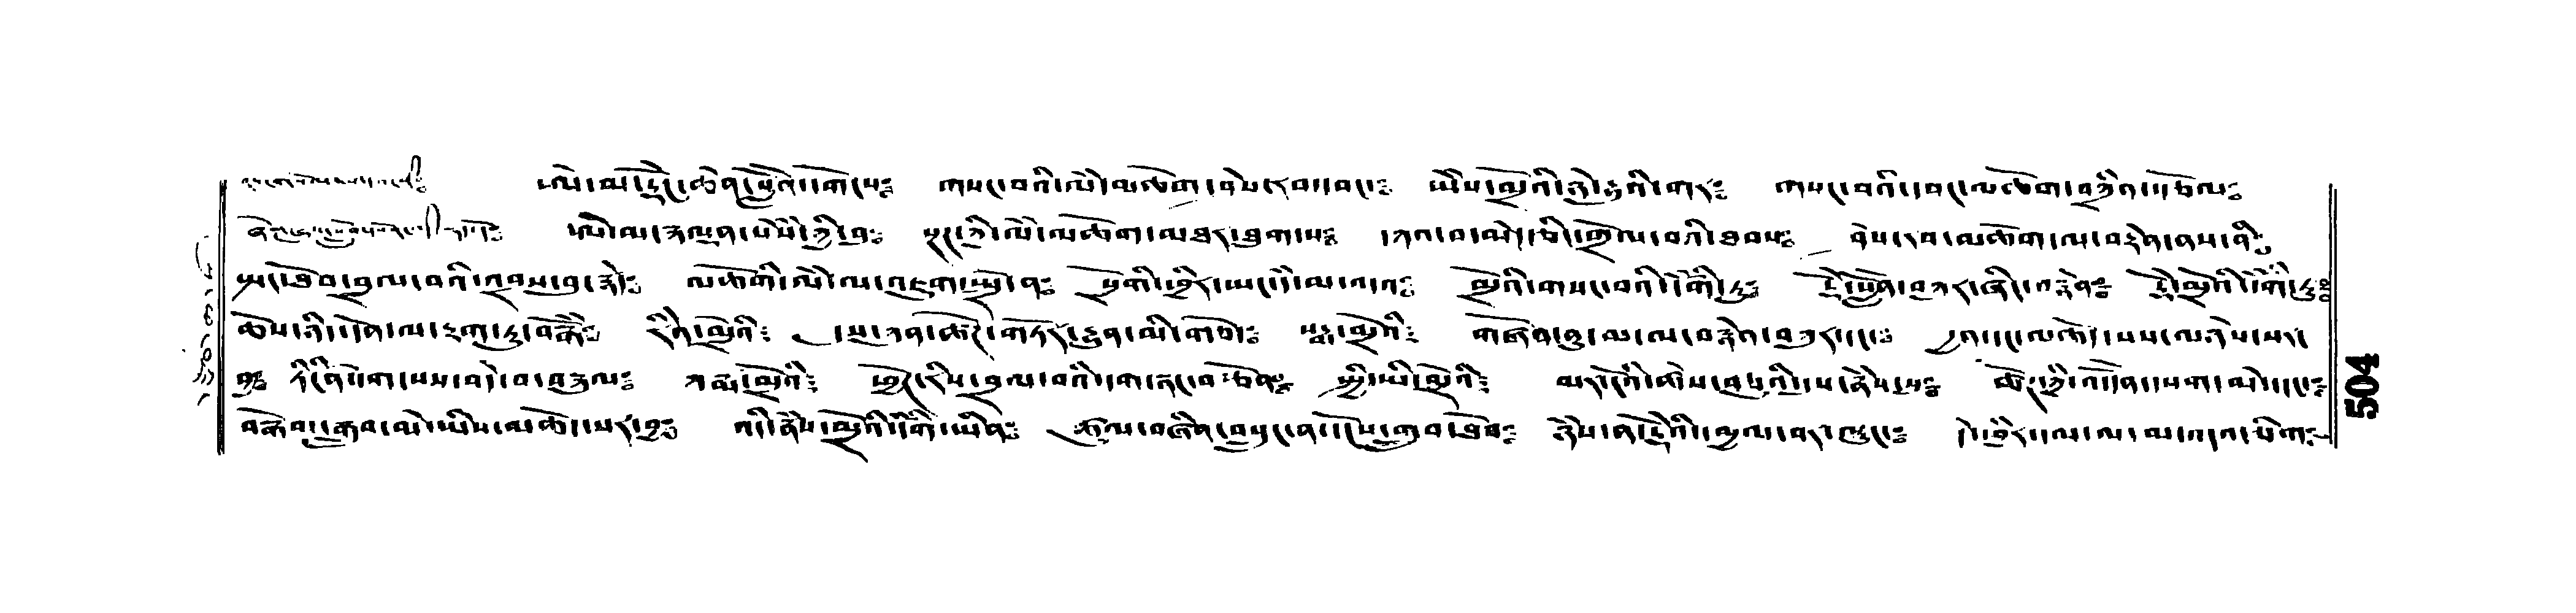ནས་གསོལ་གདབ་ནི༔ ཨེ་མ་རྡོ་རྗེ་འཆང་ཆེན་སློབ་དཔོན་དགོངས༔ གསང་བའི་ལམ་མཆོག་ཤེས་རབ་དབང༔ ཡེ་ཤེས་མཁའ་འགྲོའི་ཉེ་རྒྱུའི་གར༔ གསང་བའི་དབང་མཆོག་བཀའ་དྲིན་སྩོལ༔ 
ཞེས་ཞུས་སློབ་དཔོན་འདི་སྐད་དོ༔ ཨེ་མ་སྐལ་ལྡན་སེམས་ཀྱི་བུ༔ སྔགས་ཀྱི་ལམ་མཆོག་མཐར་ཐུག་པ༔ དཀའ་བ་མེད་ཅིང་གྲོལ་བའི་ཐབས༔ ཤེས་རབ་མཆོག་ལ་བརྟེན་ནས་ནི༔ 
སྤང་ཐོབ་བྲལ་བའི་འབྲས་བུ་རྙེད༔ མཆོག་གི་ལམ་ལ་འཇུག་སྤྲོ་ན༔ སྲོག་གི་ཕྱིར་ཡང་དམ་མ་འདའ༔ མཁའ་འགྲོའི་གསང་བའི་དམ་ཚིག་ཏུ༔ རྡོ་རྗེ་སློབ་དཔོན་བཀུར་ཞིང་རྙེན༔ རྡོ་རྗེ་མཁའ་འགྲོའི་དམ་ཚིག་ཏུ༔ 
ཆོས་ཉིད་དོན་ལ་རྟག་ཏུ་སྒོམས༔ རིན་ཆེན་མཁའ་འགྲོའི༴ དུས་ཀུན་ཚོགས་གཏོར་རྒྱུན་མི་གཅོད༔ པདྨ་མཁའ་འགྲོ༴ གཞོན་ནུ་མ་ལ་བརྙེན་བཀུར་དང༔ རྒྱན་དང་མཆོད་པས་མཉེས་པར་
བྱ༔ ཏིང་འཛིན་དག་པས་བདེ་བ་བསྐུལ༔ ཀརྨ་མཁའ་འགྲོའི༴ ཕྱོགས་རིས་བྲལ་བའི་དག་སྣང་བརྩོན༔ སྤྱི་ཡི་མཁའ་འགྲོའི༴ མར་ངོའི་ཚེས་བཅུའི་དུས་རྣམས་སུ༔ ཚོགས་ཀྱི་འདོད་ཡོན་དཔག་མེད་དང༔ 
སྒོམ་སྒྲུབ་མེ་ཡིས་མཆོད་པར་བྱ༔ འདི་རྣམས་མཁའ་འགྲོའི་དམ་ཚིག་ཡིན༔ ཚུལ་བཞིན་བསྲུང་ན་དངོས་གྲུབ་ཐོབ༔ ཉམས་ན་རྡོ་རྗེའི་དམྱལ་བར་ལྟུང༔ དེ་ཕྱིར་དམ་ལ་མ་འདའ་ཞིག༔